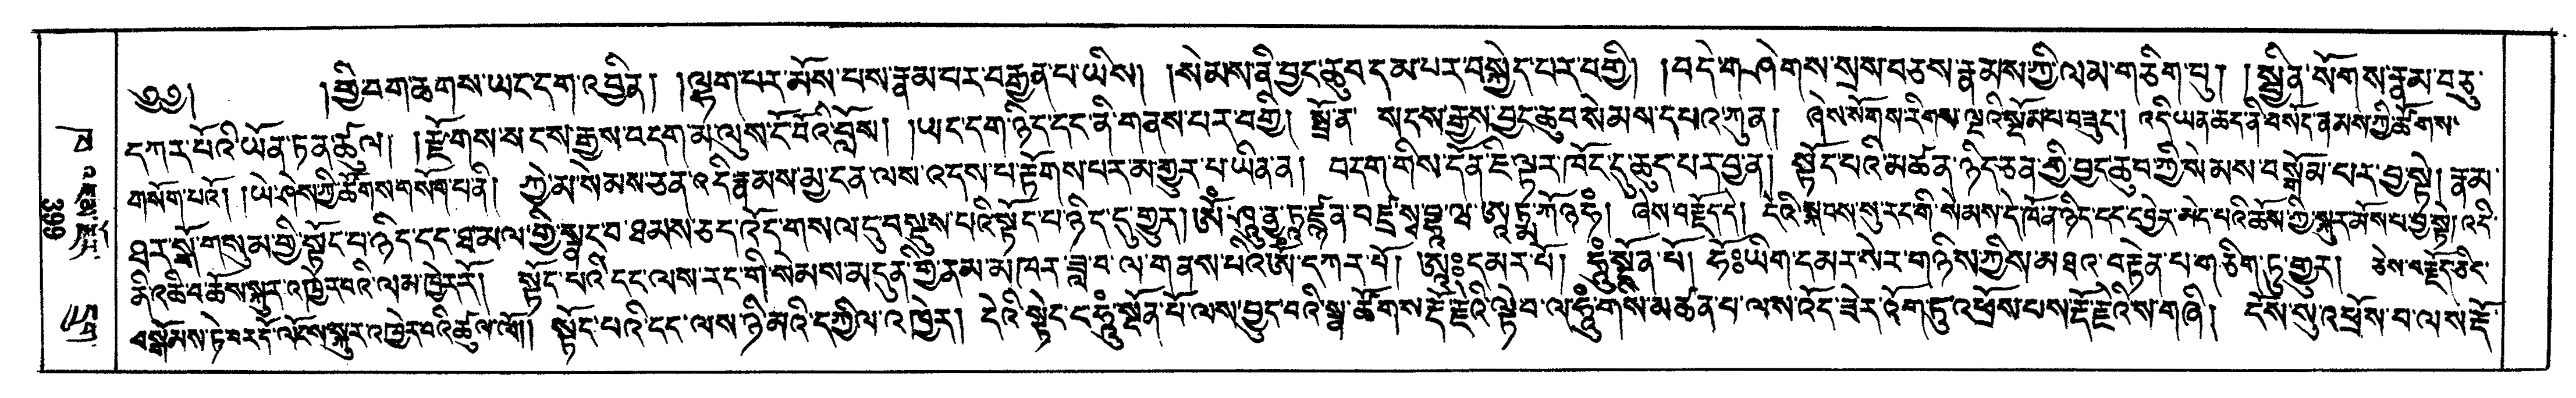༄༅། །གྱི་བག་ཆགས་ཡང་དག་འབྱིན། །ལྷག་པར་མོས་པས་རྣམ་པར་བརྒྱན་པ་ཡིས། །སེམས་ནི་བྱང་ཆུབ་དམ་པར་བསྐྱེད་པར་བགྱི། །བདེ་གཤེགས་སྲས་བཅས་རྣམས་ཀྱི་ལམ་གཅིག་པུ། །སྦྱིན་སོགས་རྣམ་བཅུ་
དཀར་པོའི་ཡོན་ཏན་ཚུལ། །རྫོགས་སངས་རྒྱས་བདག་མ་ལུས་ངོ་བོའི་བློས། །ཡང་དག་ཉིད་དུ་ད་ནི་གནས་པར་བགྱི། སྤྲོན། སངས་རྒྱས་བྱང་ཆུབ་སེམས་དཔའ་ཀུན། ཞེས་སོགས་རིགས་ལྔའི་སྡོམ་པ་བཟུང་། འདི་ཡན་ཆད་ནི་བསོད་ནམས་ཀྱི་ཚོགས་
གསོག་པའོ། །ཡེ་ཤེས་ཀྱི་ཚོགས་གསོག་པ་ནི། ཀྱེ་མ་སེམས་ཅན་འདི་རྣམས་མྱ་ངན་ལས་འདས་པ་རྟོགས་པར་མ་གྱུར་པ་ཡིན་ན། བདག་གིས་དོན་ཇི་ལྟར་ཁོང་དུ་ཆུད་པར་བྱ་ན། སྟོང་པའི་མཚན་ཉིད་ཅན་གྱི་བྱང་ཆུབ་ཀྱི་སེམས་བསྒོམ་པར་བྱ་སྟེ། རྣམ་
ཐར་སྒོ་གསུམ་གྱི་སྟོང་པ་ཉིད་དང་ཐ་མལ་གྱི་སྣང་བ་ཐམས་ཅད་འོད་གསལ་དུ་བསྡུས་པའི་སྟོང་པ་ཉིད་དུ་གྱུར། ཨོཾ་ཤཱུ་ནྱ་ཏཱ་ཛྙཱ་ན་བཛྲ་སྭ་བྷཱ་ཝ་ཨཱཏྨ་ཀོཉྷཾ། ཞེས་བརྗོད་དེ། དེའི་སྐབས་སུ་རང་གི་སེམས་དེ་ཁོ་ན་ཉིད་དང་དབྱེར་མེད་པའི་ཆོས་ཀྱི་སྐུར་མོས་པ་བྱ་སྟེ། འདི་
ནི་འཆི་བ་ཆོས་སྐུར་འཁྱེར་བའི་ལམ་ཁྱེར་རོ།། སྟོང་པའི་ངང་ལས་རང་གི་སེམས་མདུན་གྱི་ནམ་མཁར་ཟླ་བ་ལ་གནས་པའི་ཨོཾ་དཀར་པོ། ཨཱཿ དམར་པོ། ཧཱུཾ་སྔོན་པོ། ཧོཿ ཡིག་དམར་སེར་གཉིས་ཀྱིས་མཐའ་བརྟེན་པ་གཅིག་ཏུ་གྱུར། ཅེས་བརྗོད་ཅིང་
བསྒོམས་ཏེ་བར་དོ་ལོངས་སྐུར་འཁྱེར་བའི་ཚུལ་ལོ།། སྟོང་པའི་ངང་ལས་ཉི་མའི་དཀྱིལ་འཁོར། དེའི་སྟེང་དུ་ཧཱུཾ་སྔོན་པོ་ལས་བྱུང་བའི་སྣ་ཚོགས་རྡོ་རྗེའི་ལྟེ་བ་ལ་ཧཱུཾ་གིས་མཚན་པ་ལས་འོད་ཟེར་འོག་ཏུ་འཕྲོས་པས་རྡོ་རྗེའི་ས་གཞི། ངོས་སུ་འཕྲོས་པ་ལས་རྡོ་